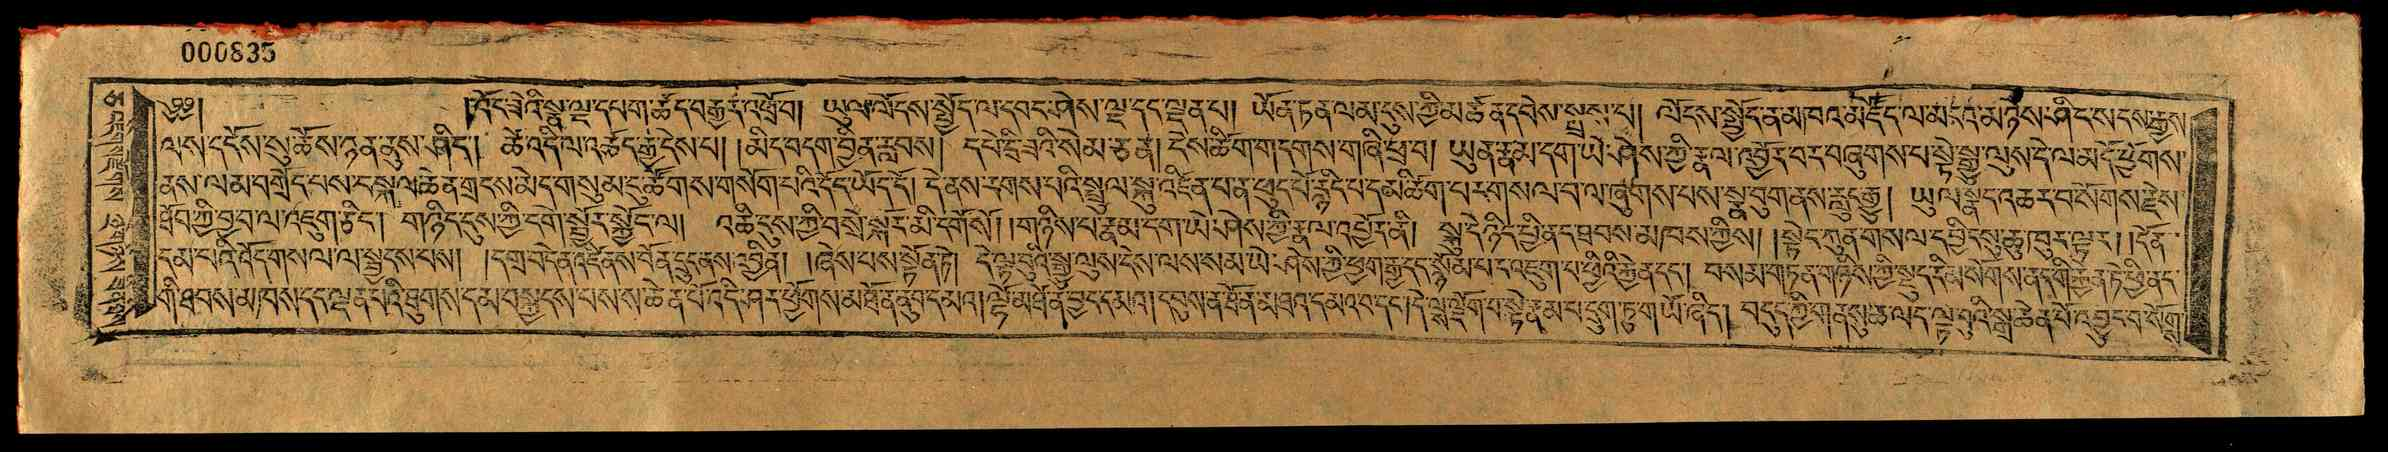༄༅། །འོད་ཟེའི་སྣ་ལྔ་དཔག་ཚད་བརྒྱར་འཕྲོ་བ། ཡུལ་ལོངས་སྤྱོད་ལ་དབང་ཤེས་ལྔ་དང་ལྡན་པ། ཡོན་ཏན་ལམ་དུས་ཀྱི་མཚན་དཔེས་སྤྲས་པ། ལོངས་སྤྱོད་ནམ་མཁའ་མཛོད་ལ་མངའ་མཉེས་ཤིང་སངས་རྒྱས་
ལས་དངོས་སུ་ཆོས་ཉན་ནུས་ཤིང་། ཚེ་འདི་ལ་འཚང་རྒྱ་ངེས་པ། མིང་བདག་བྱིན་རླབས། དཔེ་དྲི་ཟའི་སེམས་ཅན། ངེས་ཚིག་གདགས་གཞི་ཕྲ་བ། ཡུན་རྣམ་དག་ཡེ་ཤེས་ཀྱི་རྣལ་འབྱོར་བར་བཞུགས་པ་སྟེ་སྒྱུ་ལུས་དེ་ལ་མདོ་ཕྱོགས་
ནས་ལམ་བགྲོད་པས་བསྐལ་ཆེན་གྲངས་མེད་གསུམ་དུ་ཚོགས་གསོག་པའི་དོད་ཡོད་དོ། །དེ་ནས་རགས་པའི་སྤྲུལ་སྐུ་འཛིན་པ་ན་ཕུང་པོ་རྙིང་པ་དམ་ཚིག་པར་གསལ་བ་ལ་ཞུགས་པས་སྣ་བུག་ནས་རླུང་རྒྱུ། ཡུལ་སྣང་འཆར་བ་སོགས་རྗེས་
ཐོབ་ཀྱི་བྱ་བ་ལ་འཇུག་ཅིང་། གཉིད་དུས་ཀྱི་དགེ་སྦྱོར་སྐྱོང་ལ། འཆི་དུས་ཀྱི་བསྲེ་སྐོར་མི་དགོས་སོ། །གཉིས་པ་རྣམ་དག་ཡེ་ཤེས་ཀྱི་རྣལ་འབྱོར་ནི། སྐུ་དེ་ཉིད་ཕྱི་ནང་ཐབས་མཁས་ཀྱིས། །སྟེང་ཀུན་གསལ་དབྱིངས་སུ་ཆུ་ཁུར་ལྟར། །དོན་
དམ་པའི་འོད་གསལ་ལ་སྦྱངས་པས། །དགྲ་བདེན་འཛིན་ས་བོན་དྲུང་ནས་འབྱིན། །ཞེས་པས་སྟོན་ཏེ། དེ་ལྟ་བུའི་སྒྱུ་ལུས་དེས་ལས་སམ་ཡེ་ཤེས་ཀྱི་ཕྱག་རྒྱ་དང་སྙོམ་པར་འཇུག་པ་ཕྱིའི་རྐྱེན་དང་། བསམ་གཏན་གཉིས་ཀྱི་སྡུད་རིམ་སོགས་ནང་གི་རྐྱེན་ཏེ་ཕྱི་ནང་
གི་ཐབས་མཁས་དང་ལྡན་པའི་ཐུགས་དམ་བསྐྱངས་པས་ས་ཆེན་པོ་འདི་ཤར་ཕྱོགས་མཐོན་ནུབ་དམའ། ལྷོ་མཐོ་ན་བྱང་དམའ། དབུས་མཐོ་ན་མཐའ་དམའ་བ་དང་། དེ་ལས་ལྡོག་པ་སྟེ་རྣམ་པ་དྲུག་ཏུ་གཡོ་ཞིང་། བདུད་ཀྱི་གནས་སུ་ཆ་ལང་ལྟ་བུའི་སྒྲ་ཆེན་པོ་འབྱུང་བ་སོགས་